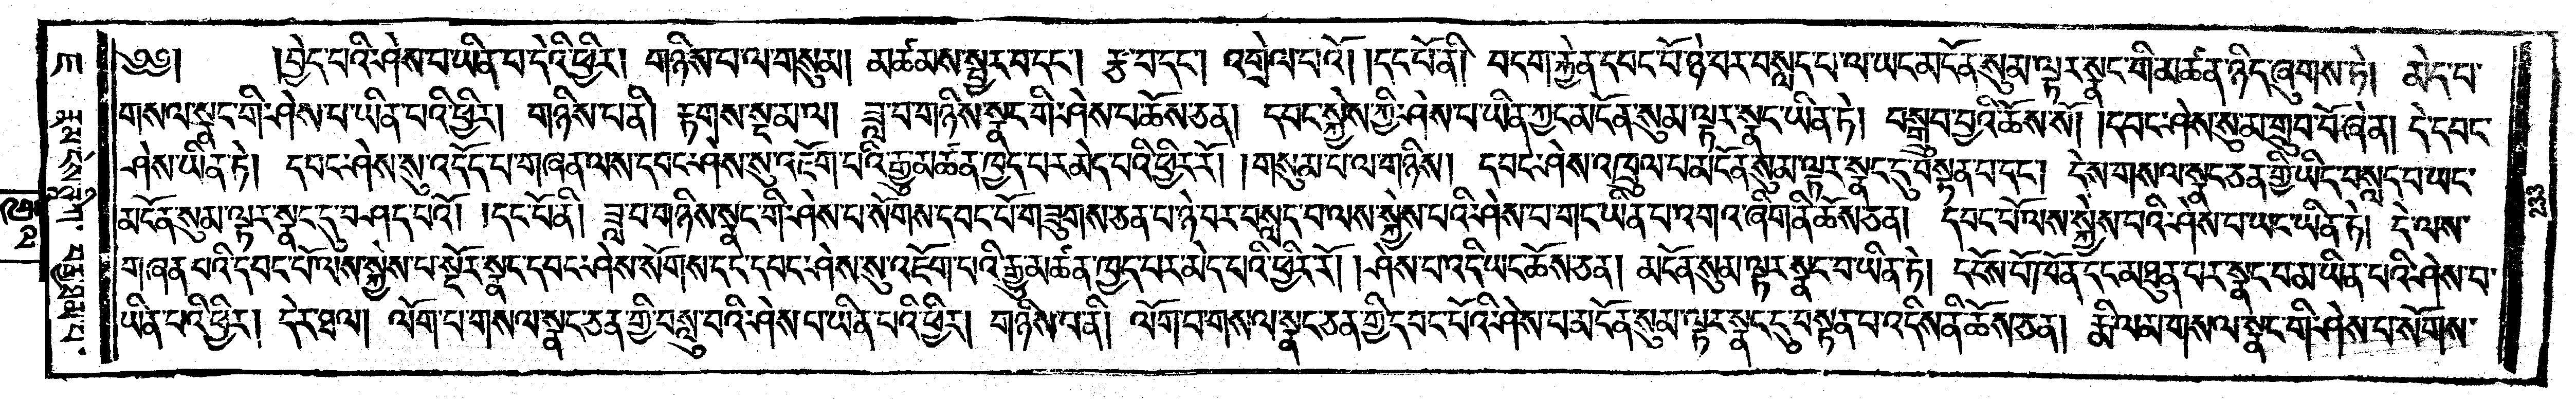༄༅། །བྱེད་པའི་ཤེས་པ་ཡིན་པ་དེའི་ཕྱིར། གཉིས་པ་ལ་གསུམ། མཚམས་སྦྱར་བ་དང་། རྩ་བ་དང་། འགྲེལ་པའོ། །དང་པོ་ནི། བདག་རྐྱེན་དབང་པོ་ཉེ་བར་བསླད་པ་ལ་ཡང་མངོན་སུམ་ལྟར་སྣང་གི་མཚན་ཉིད་ཞུགས་ཏེ། མེད་པ་
གསལ་སྣང་གི་ཤེས་པ་ཡིན་པའི་ཕྱིར། གཉིས་པ་ནི། རྟགས་སྔ་མ་ལ། ཟླ་བ་གཉིས་སྣང་གི་ཤེས་པ་ཆོས་ཅན། དབང་སྐྱེས་ཀྱི་ཤེས་པ་ཡིན་ཀྱང་མངོན་སུམ་ལྟར་སྣང་ཡིན་ཏེ། བསྒྲུབ་བྱའི་ཆོས་སོ། །དབང་ཤེས་སུ་མ་གྲུབ་བོ་ཞེ་ན། དེ་དབང་
ཤེས་ཡིན་ཏེ། དབང་ཤེས་སུ་འདོད་པ་གཞན་ལས་དབང་ཤེས་སུ་འཇོག་པའི་རྒྱུ་མཚན་ཁྱད་པར་མེད་པའི་ཕྱིར་རོ། །གསུམ་པ་ལ་གཉིས། དབང་ཤེས་འཁྲུལ་པ་མངོན་སུམ་ལྟར་སྣང་དུ་བསྟན་པ་དང་། དེས་གསལ་སྣང་ཅན་གྱི་ཡིད་བསླད་པ་ཡང་
མངོན་སུམ་ལྟར་སྣང་དུ་བཤད་པའོ། །དང་པོ་ནི། ཟླ་བ་གཉིས་སྣང་གི་ཤེས་པ་སོགས་དབང་པོ་གཟུགས་ཅན་པ་ཉེ་བར་བསླད་པ་ལས་སྐྱེས་པའི་ཤེས་པ་གང་ཡིན་པ་འགའ་ཞིག་ནི་ཆོས་ཅན། དབང་པོ་ལས་སྐྱེས་པའི་ཤེས་པ་ཡང་ཡིན་ཏེ། དེ་ལས་
གཞན་པའི་དབང་པོ་ལས་སྐྱེས་པ་སྔོར་སྣང་དབང་ཤེས་སོགས་དང་དབང་ཤེས་སུ་འཇོག་པའི་རྒྱུ་མཚན་ཁྱད་པར་མེད་པའི་ཕྱིར་རོ། །ཤེས་པ་འདི་ཡང་ཆོས་ཅན། མངོན་སུམ་ལྟར་སྣང་བ་ཡིན་ཏེ། དངོས་པོ་ཁོ་ན་དང་མཐུན་པར་སྣང་བ་མ་ཡིན་པའི་ཤེས་པ་
ཡིན་པའི་ཕྱིར། དེར་ཐལ། ལོག་པ་གསལ་སྣང་ཅན་གྱི་བསླུ་བའི་ཤེས་པ་ཡིན་པའི་ཕྱིར། གཉིས་པ་ནི། ལོག་པ་གསལ་སྣང་ཅན་གྱི་དབང་པོའི་ཤེས་པ་མངོན་སུམ་ལྟར་སྣང་དུ་བསྟན་པ་འདིས་ནི་ཆོས་ཅན། རྨི་ལམ་གསལ་སྣང་གི་ཤེས་པ་སོགས་